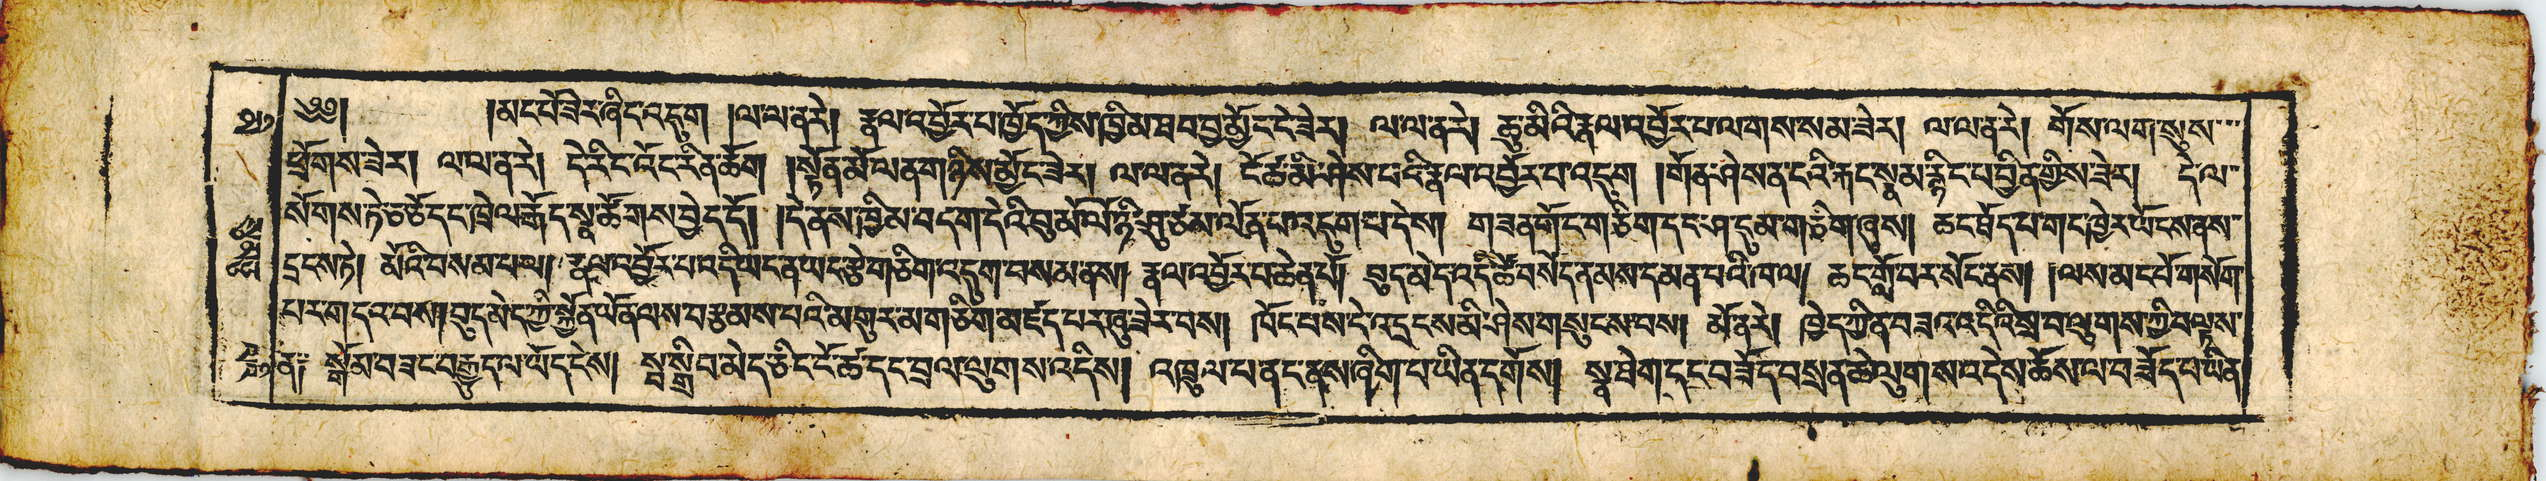མང་པོ་ཟེར་ཞིང་འདུག །ལ་ལ་ན་རེ། རྣལ་འབྱོར་པ་ཁྱོད་ཀྱིས་ཁྱིམ་ཐབ་བྱ་མྱོང་ངེ་ཟེར། ལ་ལ་ན་རེ། ཆུ་མིའི་རྣལ་འབྱོར་པ་ལགས་སམ་ཟེར། ལ་ལ་ན་རེ། གོས་ལག་སུས་
ཕྲོགས་ཟེར། ལ་ལ་ན་རེ། དེ་རིང་འོང་རིན་ཆོག །སྟོན་མོ་ལན་གཉིས་མྱོང་ཟེར། ལ་ལ་ན་རེ། ངོ་ཚ་མི་ཤེས་པའི་རྣལ་འབྱོར་པ་འདུག །གོན་ཤེས་ན་ངའི་རྐང་སྣམ་རྙིང་པ་བྱིན་གྱིས་ཟེར། དེ་ལ་
སོགས་ཏེ་ཅ་ཅོ་དང་ཁྲེལ་རྒོད་སྣ་ཚོགས་བྱེད་དོ། །དེ་ནས་ཁྱིམ་བདག་དེའི་བུ་མོ་ལོ་ཉི་ཤུ་ཙམ་ལོན་པ་འདུག་པ་དེས། གཟན་གོང་གཅིག་དང་ཤ་དུམ་གཅིག་ཞུས། ཆང་ཐོད་པ་གང་ཁྱེར་ཡོངས་ནས་
དྲངས་ཏེ། མོའི་བསམ་པ་ལ། རྣལ་འབྱོར་པ་འདི་ཡང་ན་ཡང་རྩེ་གཅིག་འདུག་བསམ་ནས། རྣལ་འབྱོར་བ་ཆེན་པོ། བུད་མེད་འདི་ཚོ་བསོད་ནམས་དམན་པའི་ཁ་ལ། ཆང་གློ་བར་སོང་ནས། །ལས་མང་པོ་གསོག་
པར་ག་དའ་བས། བུད་མེད་ཀྱི་སྐྱོན་ཡོན་ལས་བརྩམས་པའི་མགུར་མ་གཅིག་མཛད་པར་ཞུ་ཟེར་བས། ཁོང་པས་དེ་འདྲ་ངས་མི་ཤེས་གསུངས་པས། མོ་ནརེ། ཁྱེད་ཀྱི་ན་བཟའ་འདིའི་སྲབ་ལུགས་ཀྱི་བལྟས་
ན་སྒོམ་བཟང་བརྒྱུད་ལ་ཡོད་ངེས། སྦ་སྒྲིབ་མེད་ཅིང་ངོ་ཚ་དང་བྲལ་ལུགས་འདིས། འཁྲུལ་པ་ནང་ནས་ཞིག་པ་ཡིན་དགོས། སྣ་ཐེག་དང་བཟོད་བསྲན་ཆེ་ལུགས་འདིས་ཆོས་ལ་བཟོད་པ་ཡིན་